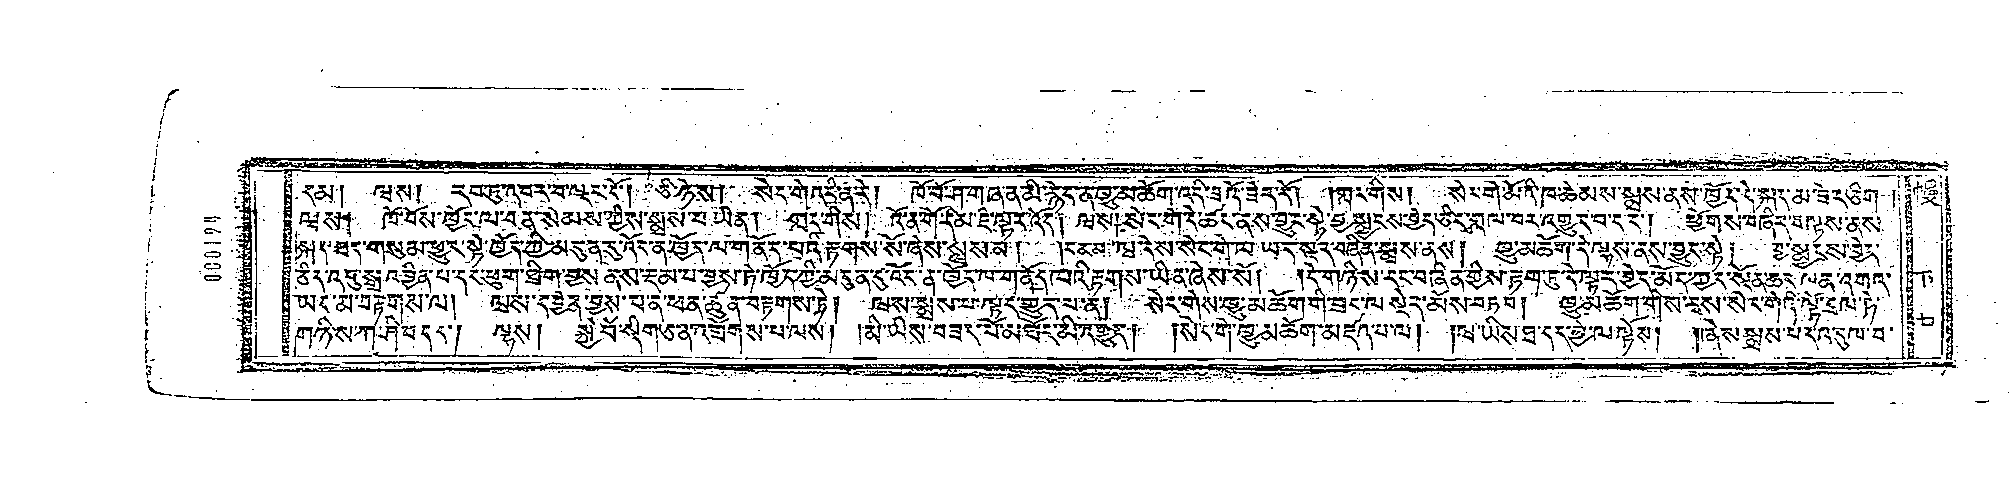དམ། ཝས། རབ་ཏུ་འབར་བ་ལྡང་ངོ། ཅི་ཉེས། སེང་གེ་འདི་ན་རེ། ཁོ་བོ་ཤ་གཞན་མི་རྙེད་ན་ཁྱུ་མཆོག་འདི་ཟའོ་ཟེར་རོ། །གླང་གིས། སེང་གེ་མོའི་ཁ་ཆེམས་སྨྲས་ནས་ཁྱོད་དེ་སྐད་མ་ཟེར་ཅིག་
ཝས། ཁོ་བོས་ཁྱོད་ལ་ཕན་སེམས་ཀྱིས་སྨྲས་པ་ཡིན། གླང་གིས། འོ་ན་གོ་རིམ་ཇི་ལྟར་འོད། ཝས། སེང་གེ་དེ་ཚང་ནས་བྱུང་སྟེ་བྱ་སྨྱངས་བྱེད་ཅིང་གླལ་བར་འགྱུར་བ་དང་། ཕྱོགས་བཞིར་བལྟས་ནས་
སྐད་ཐིད་གསུམ་ཕྱུང་སྟེ་ཁྱོད་ཀྱི་མདུན་དུ་འོང་ན་ཁྱོད་ལ་གནོད་པའི་རྟགས་སོ་ཞེས་སྨྲས་པ། །དེ་ནས་ཝ་དེས་སེང་གེ་ལ་ཡང་སྔར་བཞིན་སྨྲས་ནས། ཁྱུ་མཆོག་དེ་ལྟས་ནས་བྱུང་སྟེ། བྱ་སྨྱངས་བྱེད་
ཅིང་འབུ་སྒྲ་འབྱིན་པ་དང་ཕུག་ཐིག་བྱས་ནས་རྔམ་པ་བྱས་ཏེ་ཁྱོད་ཀྱི་མདུན་དུ་འོད་ན་ཁྱེད་ལ་གནོད་པའི་རྟགས་ཡིན་ཞེས་སོ། །དེ་གཉིས་རང་བཞིན་གྱིས་རྟག་ཏུ་དེ་ལྟར་བྱེད་མོད་ཀྱང་སྔོན་ཆང་ལན་འགའ་
ཡང་མ་བརྟགས་ལ། ཝས་དབྱེན་བྱས་པ་ན་ཕན་ཚུན་བརྟགས་ཏེ། ཝས་སྨྲས་པ་ལྟར་གྱུར་པ་ན། སེང་གེས་ཁྱུ་མཆོག་གི་བྲང་ལ་སྡེར་མོས་བཏབ། ཁྱུ་མཆོག་གིས་རྭས་སེང་གེའི་ལྟོ་དྲལ་ཏེ་
གཉིས་ཀ་ཤི་བ་དང་། ལྷས། སྐྱེ་བོ་སྡིག་ཅན་འགྲོགས་པ་ལས། །མི་ཡིས་བཟང་པོ་མཐོང་མི་འགྱུར། །སེང་གེ་ཁྱུ་མཆོག་མཛའ་པ་ལ། །ཝ་ཡིས་ཐ་དད་ཕྱེ་ལ་ལྟོས། །ཞེས་སྨྲས་པར་འདུལ་བ་